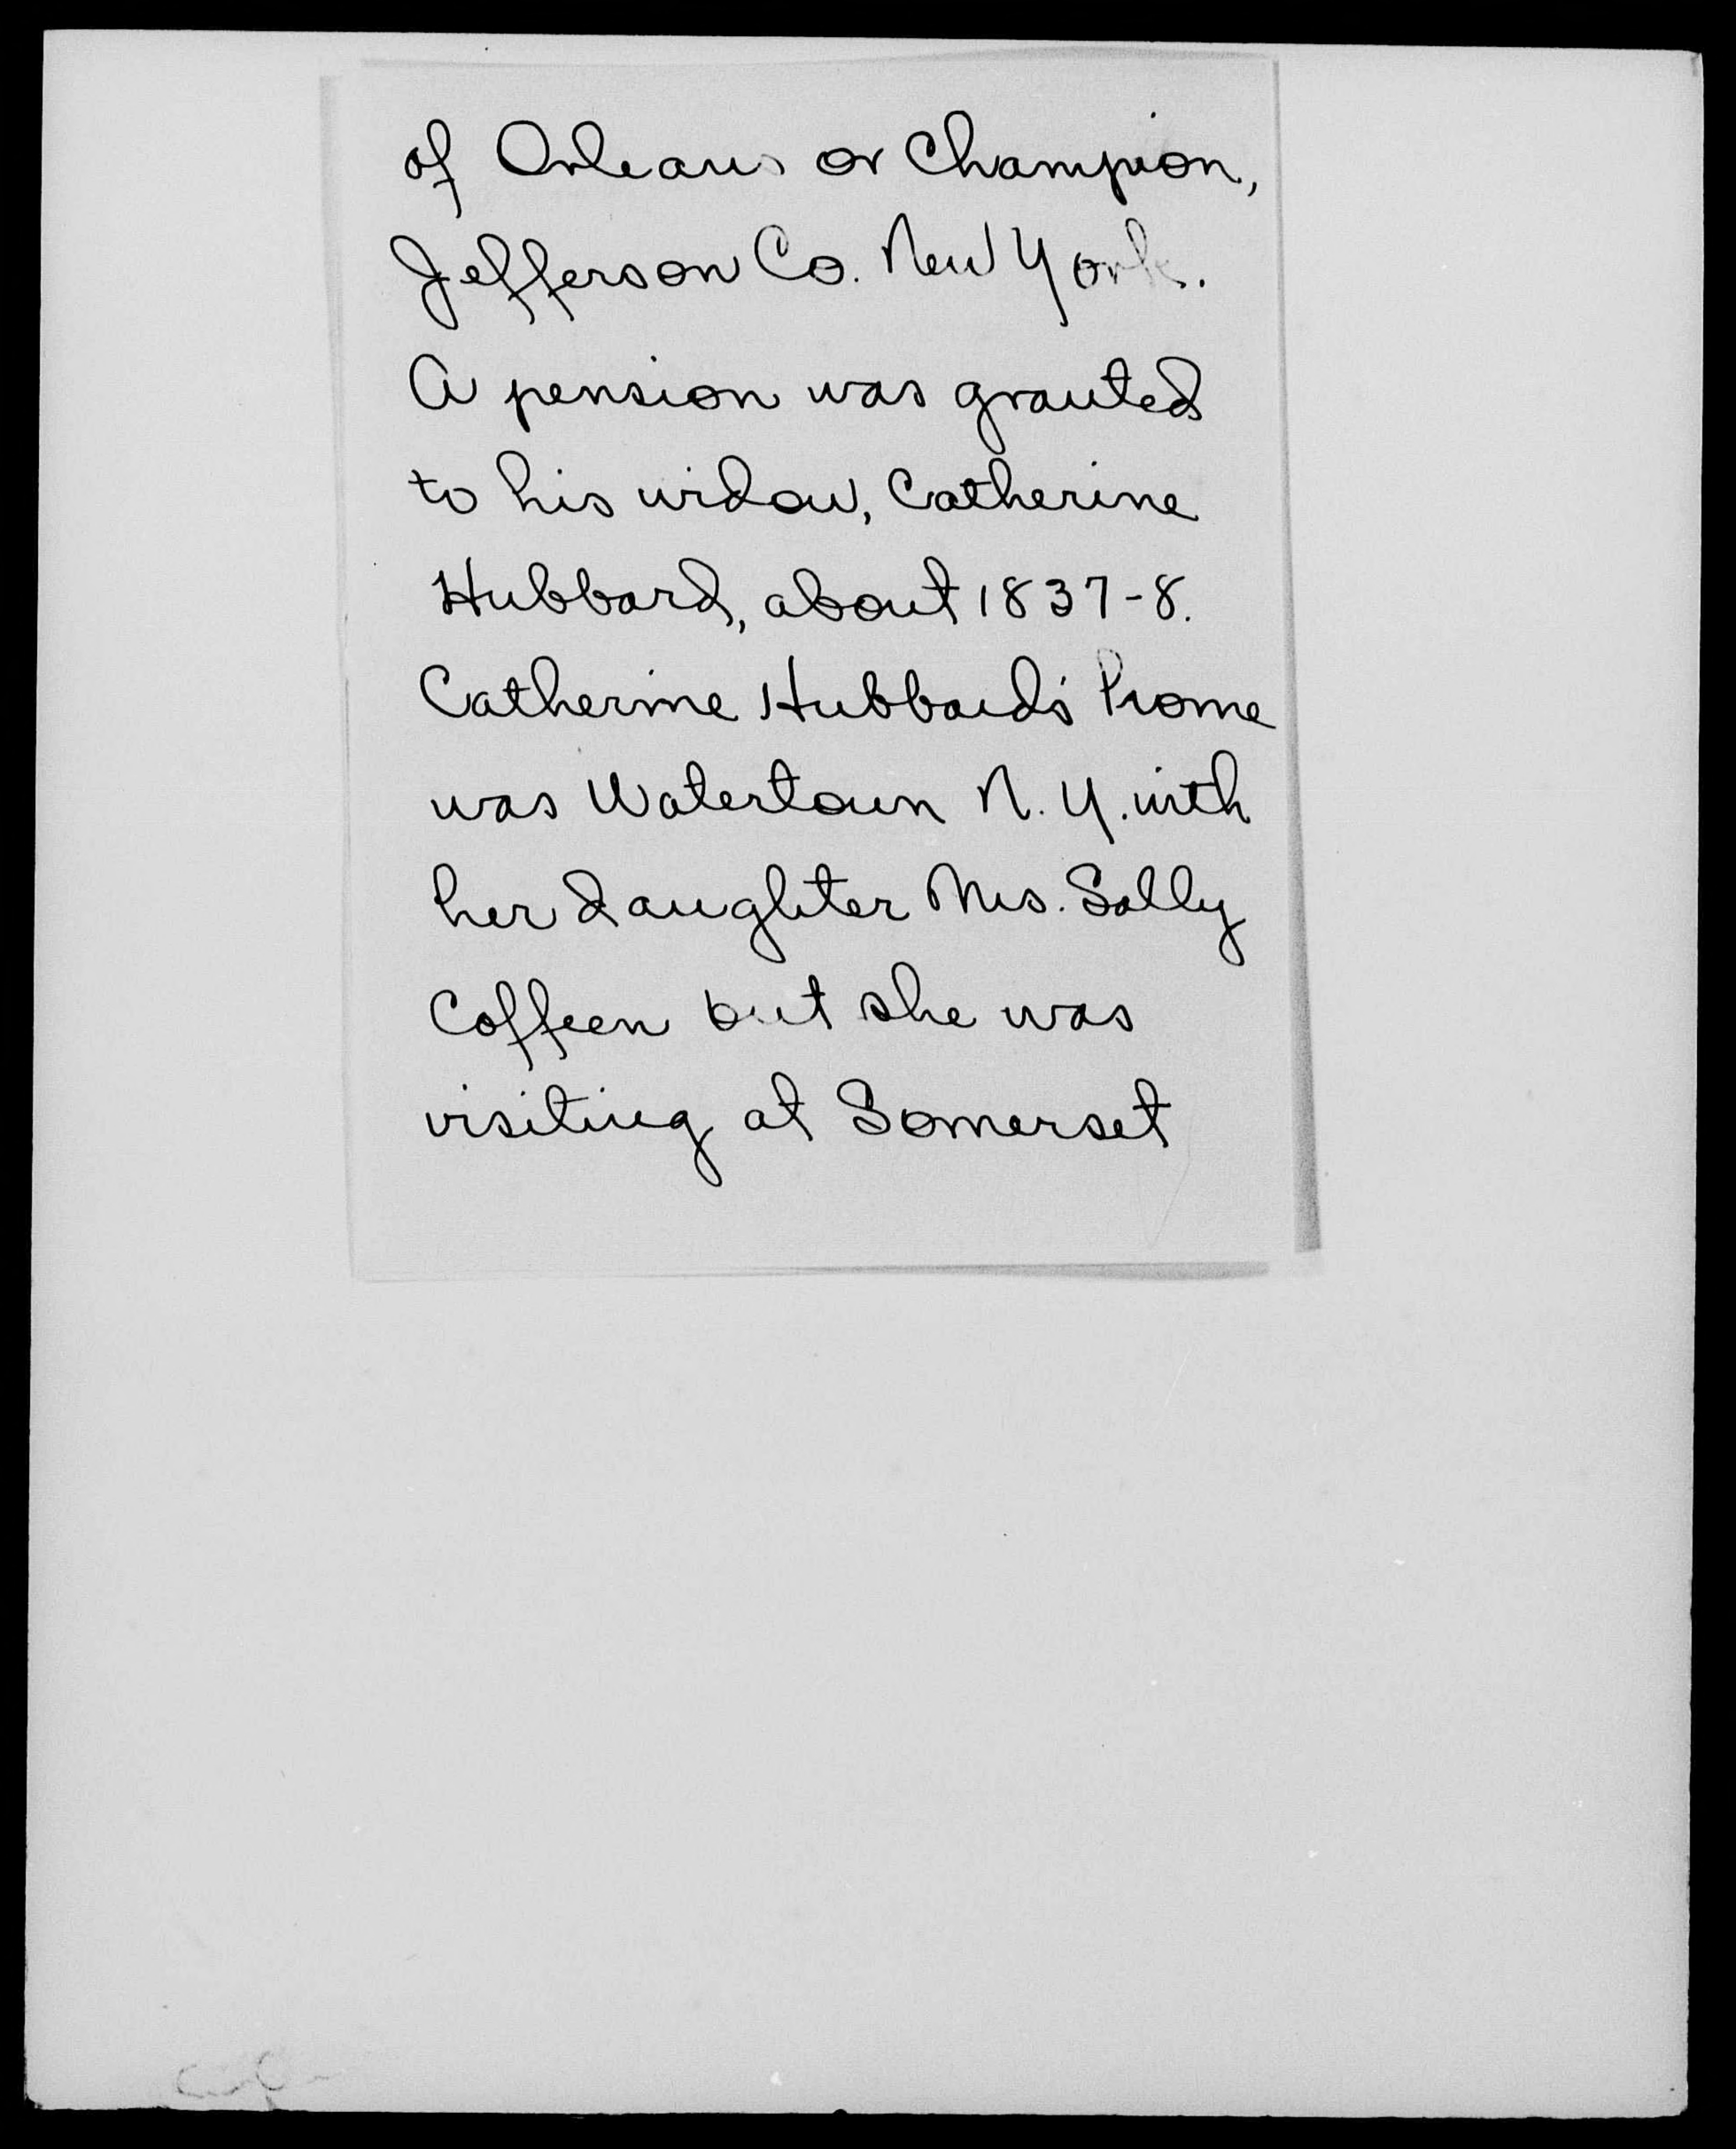of Orleans or Champion, Jefferson Co. N.Y.
A pension was granted  to his widow, Catherine Hubbard, about 1837-1838.  Catherine Hubbard's home was Watertown N.Y. until her daughter Mrs. Sally Coffeen but she was visiting at Somerset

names: Sally Coffeen, Catherine Hubbard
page: 24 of 38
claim: widow's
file: W. 23,381, Abner Hubbard, Continental Mass.